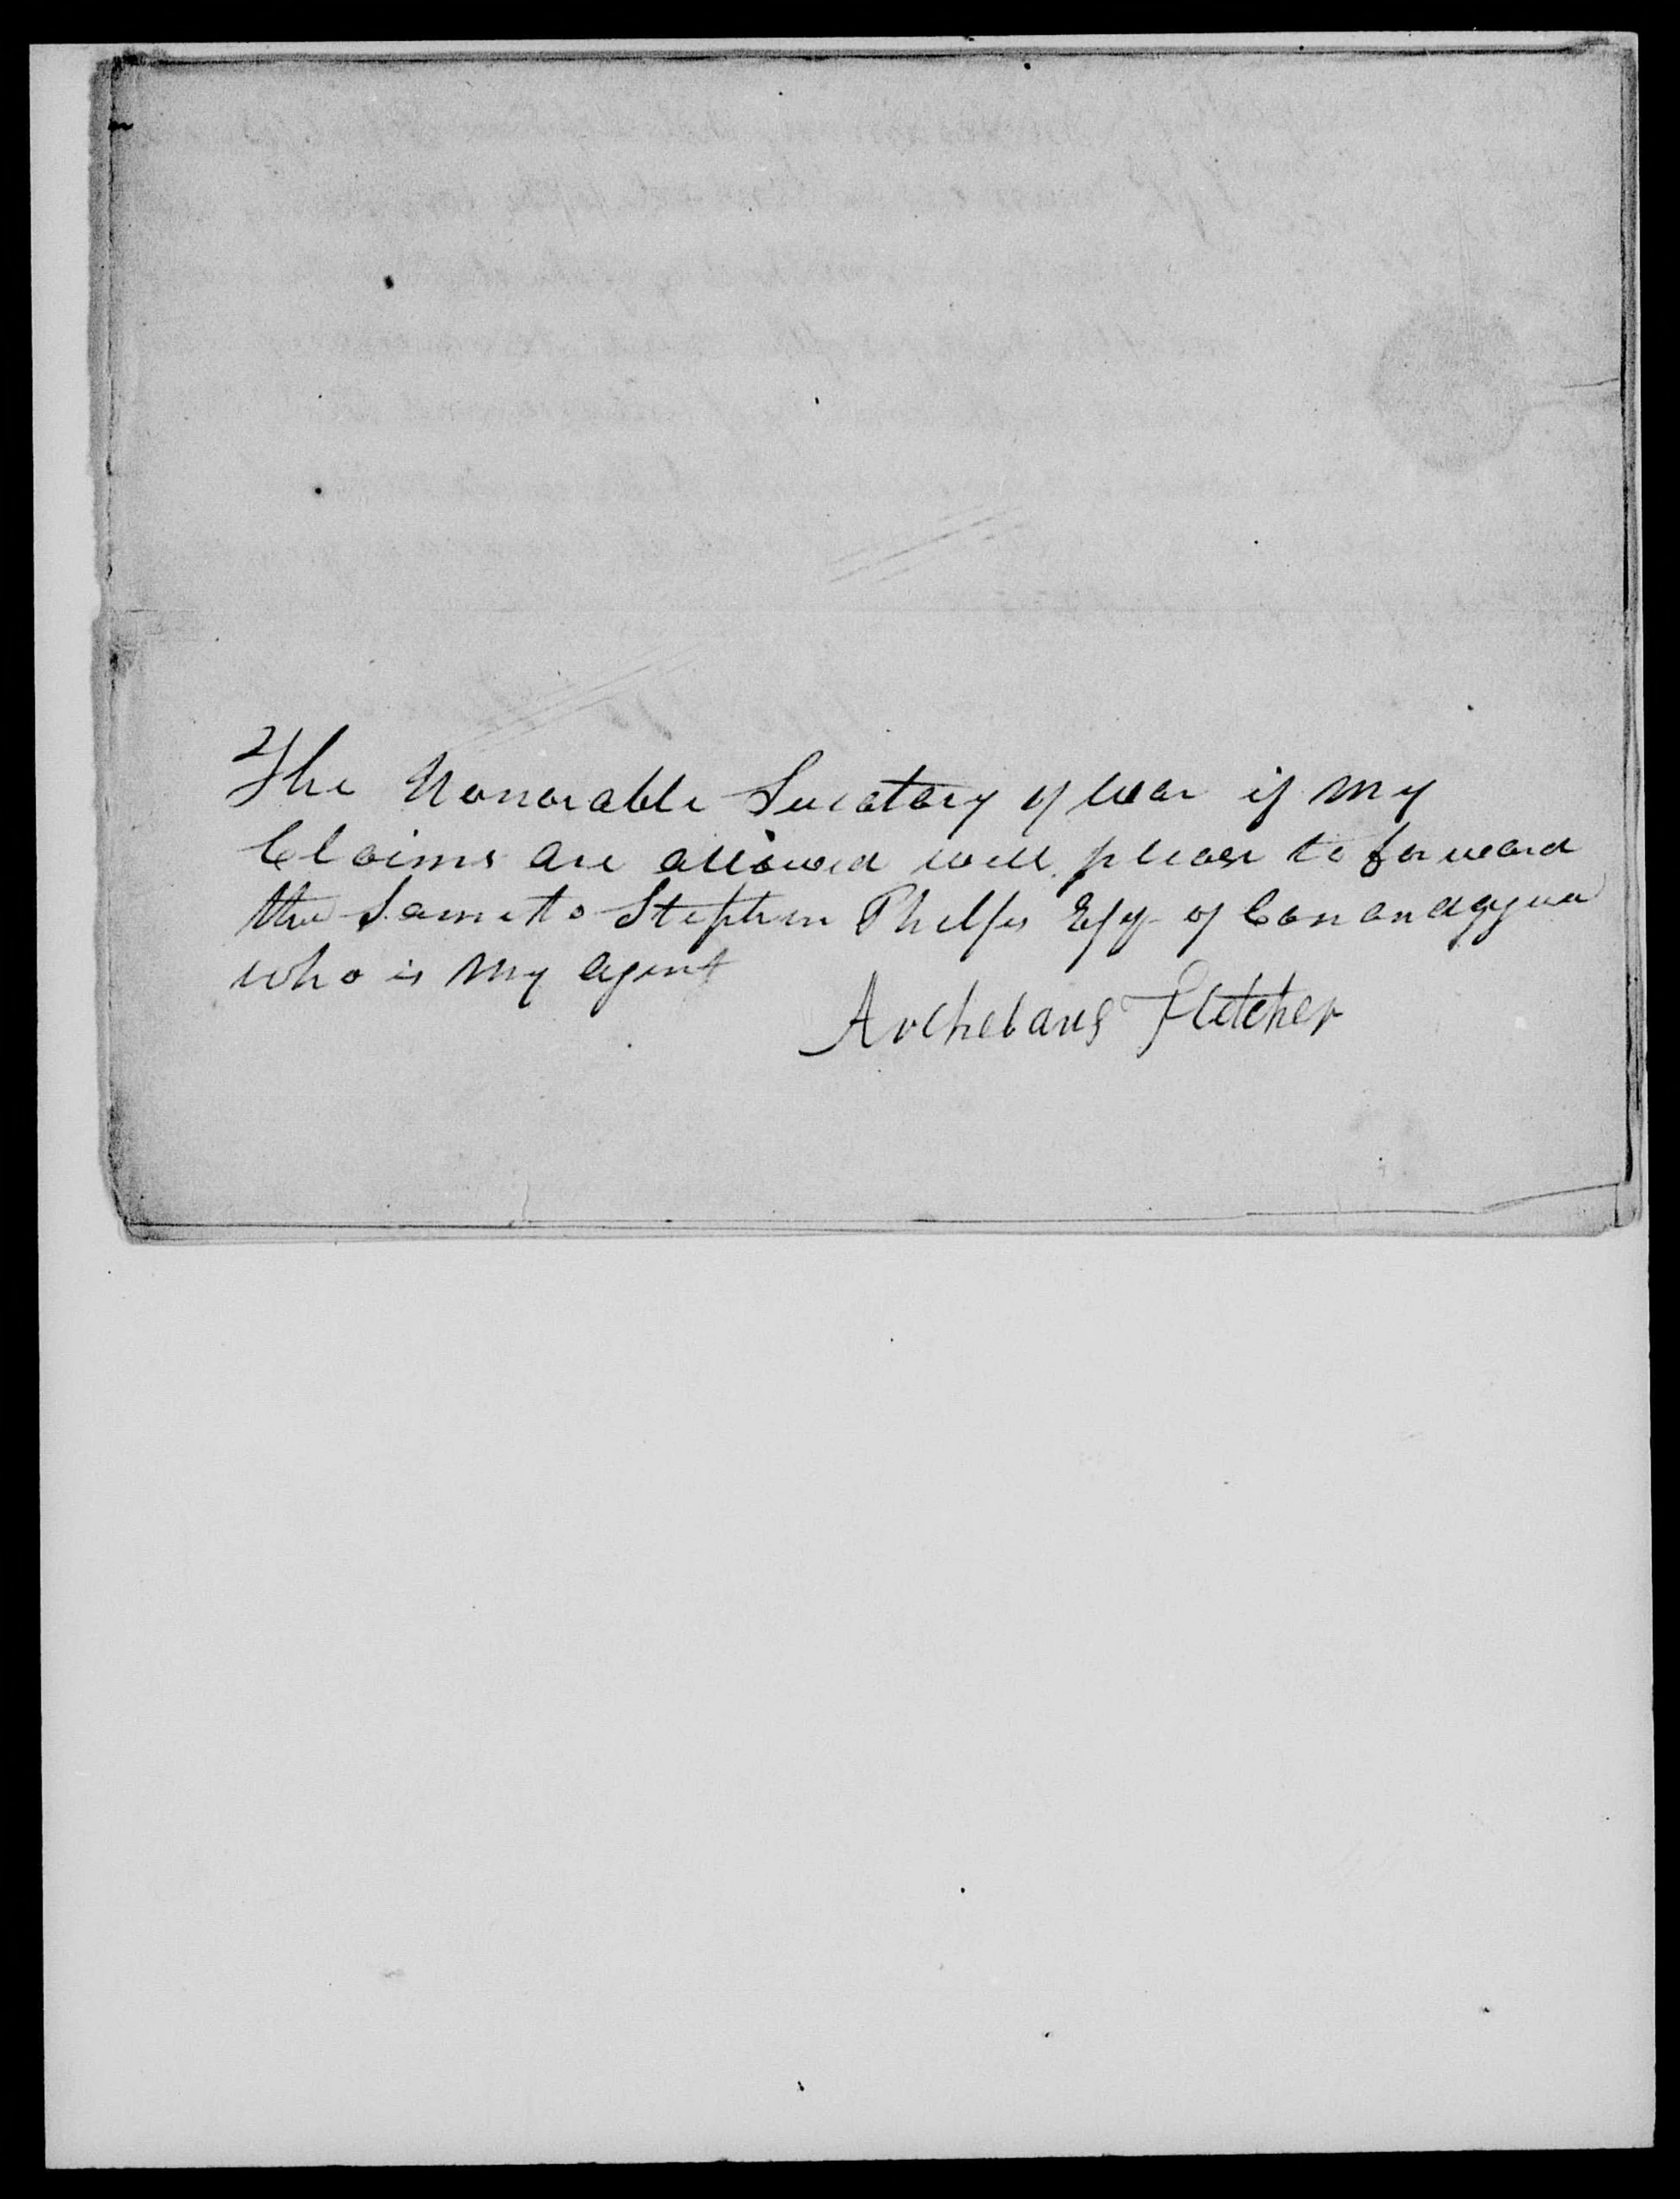The Honorable Secretary of War if my claims are allowed will please to forward the same to Stephen Phelps Esq. of Canandaigua who is my agent
Archelaus Fletcher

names: Archelaus Fletcher, Stephen Phelps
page: 6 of 18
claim: survivor's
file: S. 44822, Archelaus Fletcher, Mass.